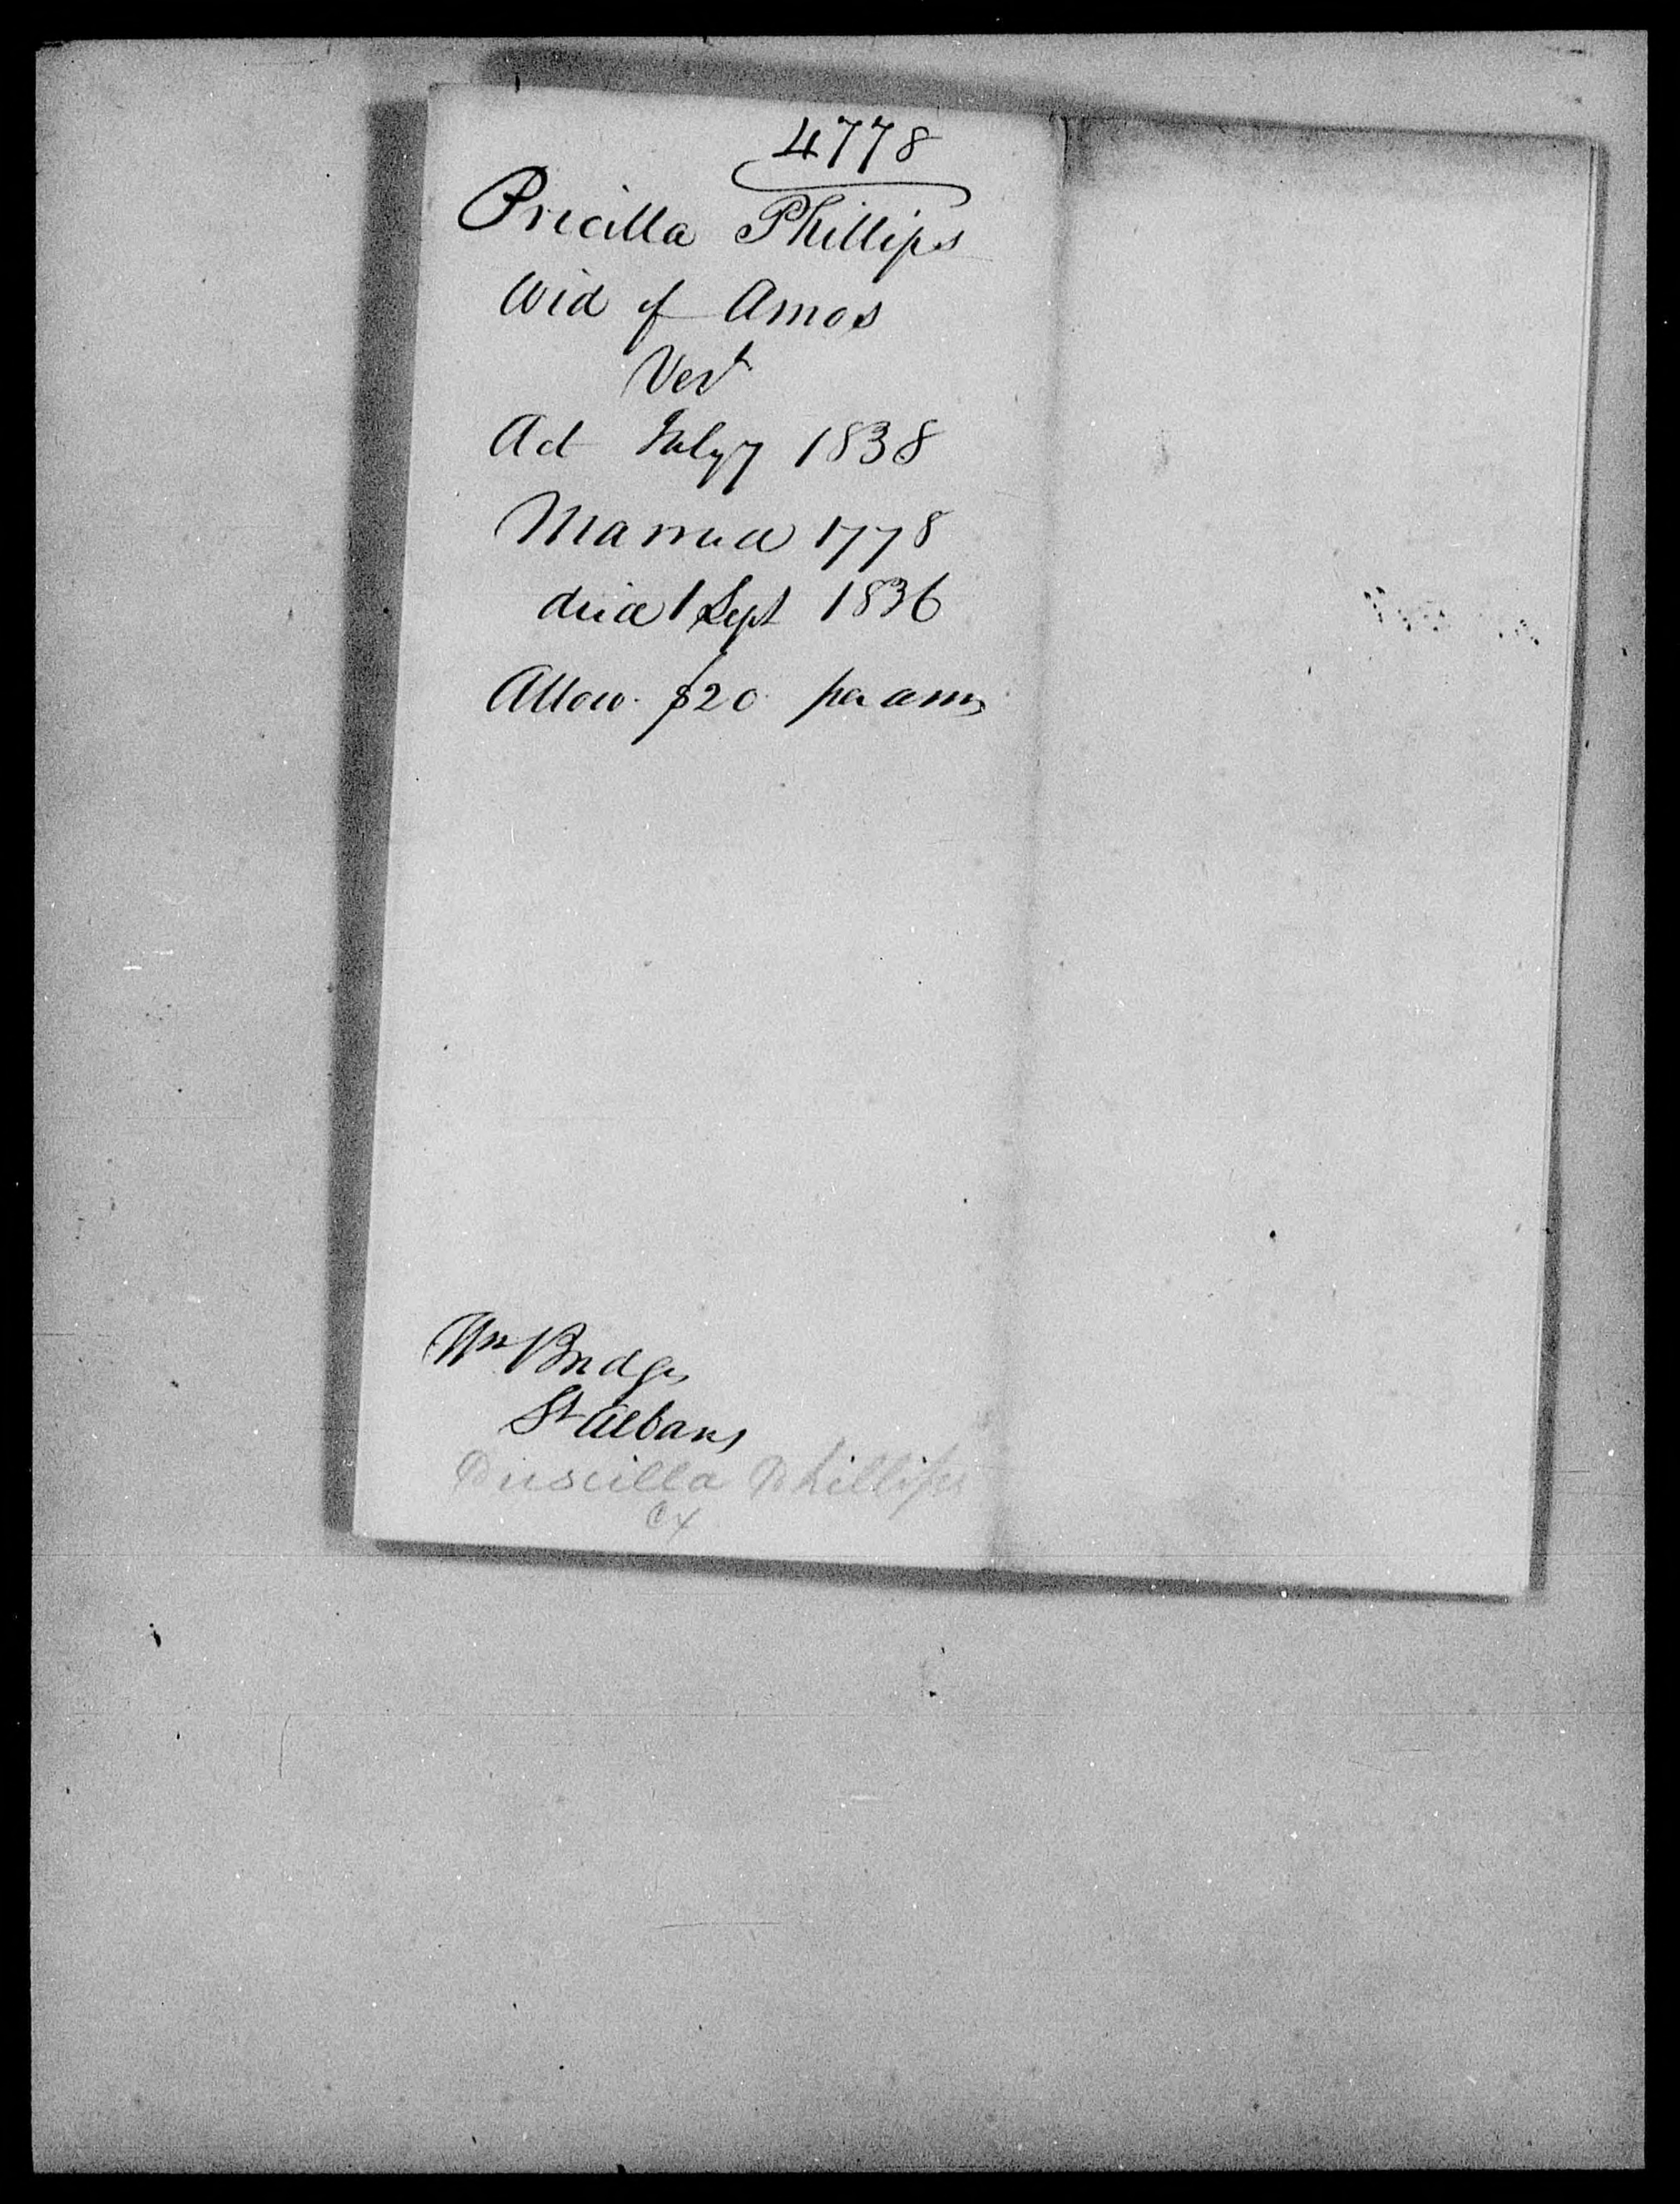4778
Precilla Phillips
Wid of Amos
Ver
Act July 7 1838
Married 1778
died 1 Sept 1836
Allow $20 per an
Wm Bridge,
St Albans
Pirscilla Phillips
Cx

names: Priscilla Phillips; Amos Phillips; Wm Bridges; Pricilla Phillips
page: 8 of 26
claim: widow's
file: W. 26,886, for Amos Phillips, Massachusetts